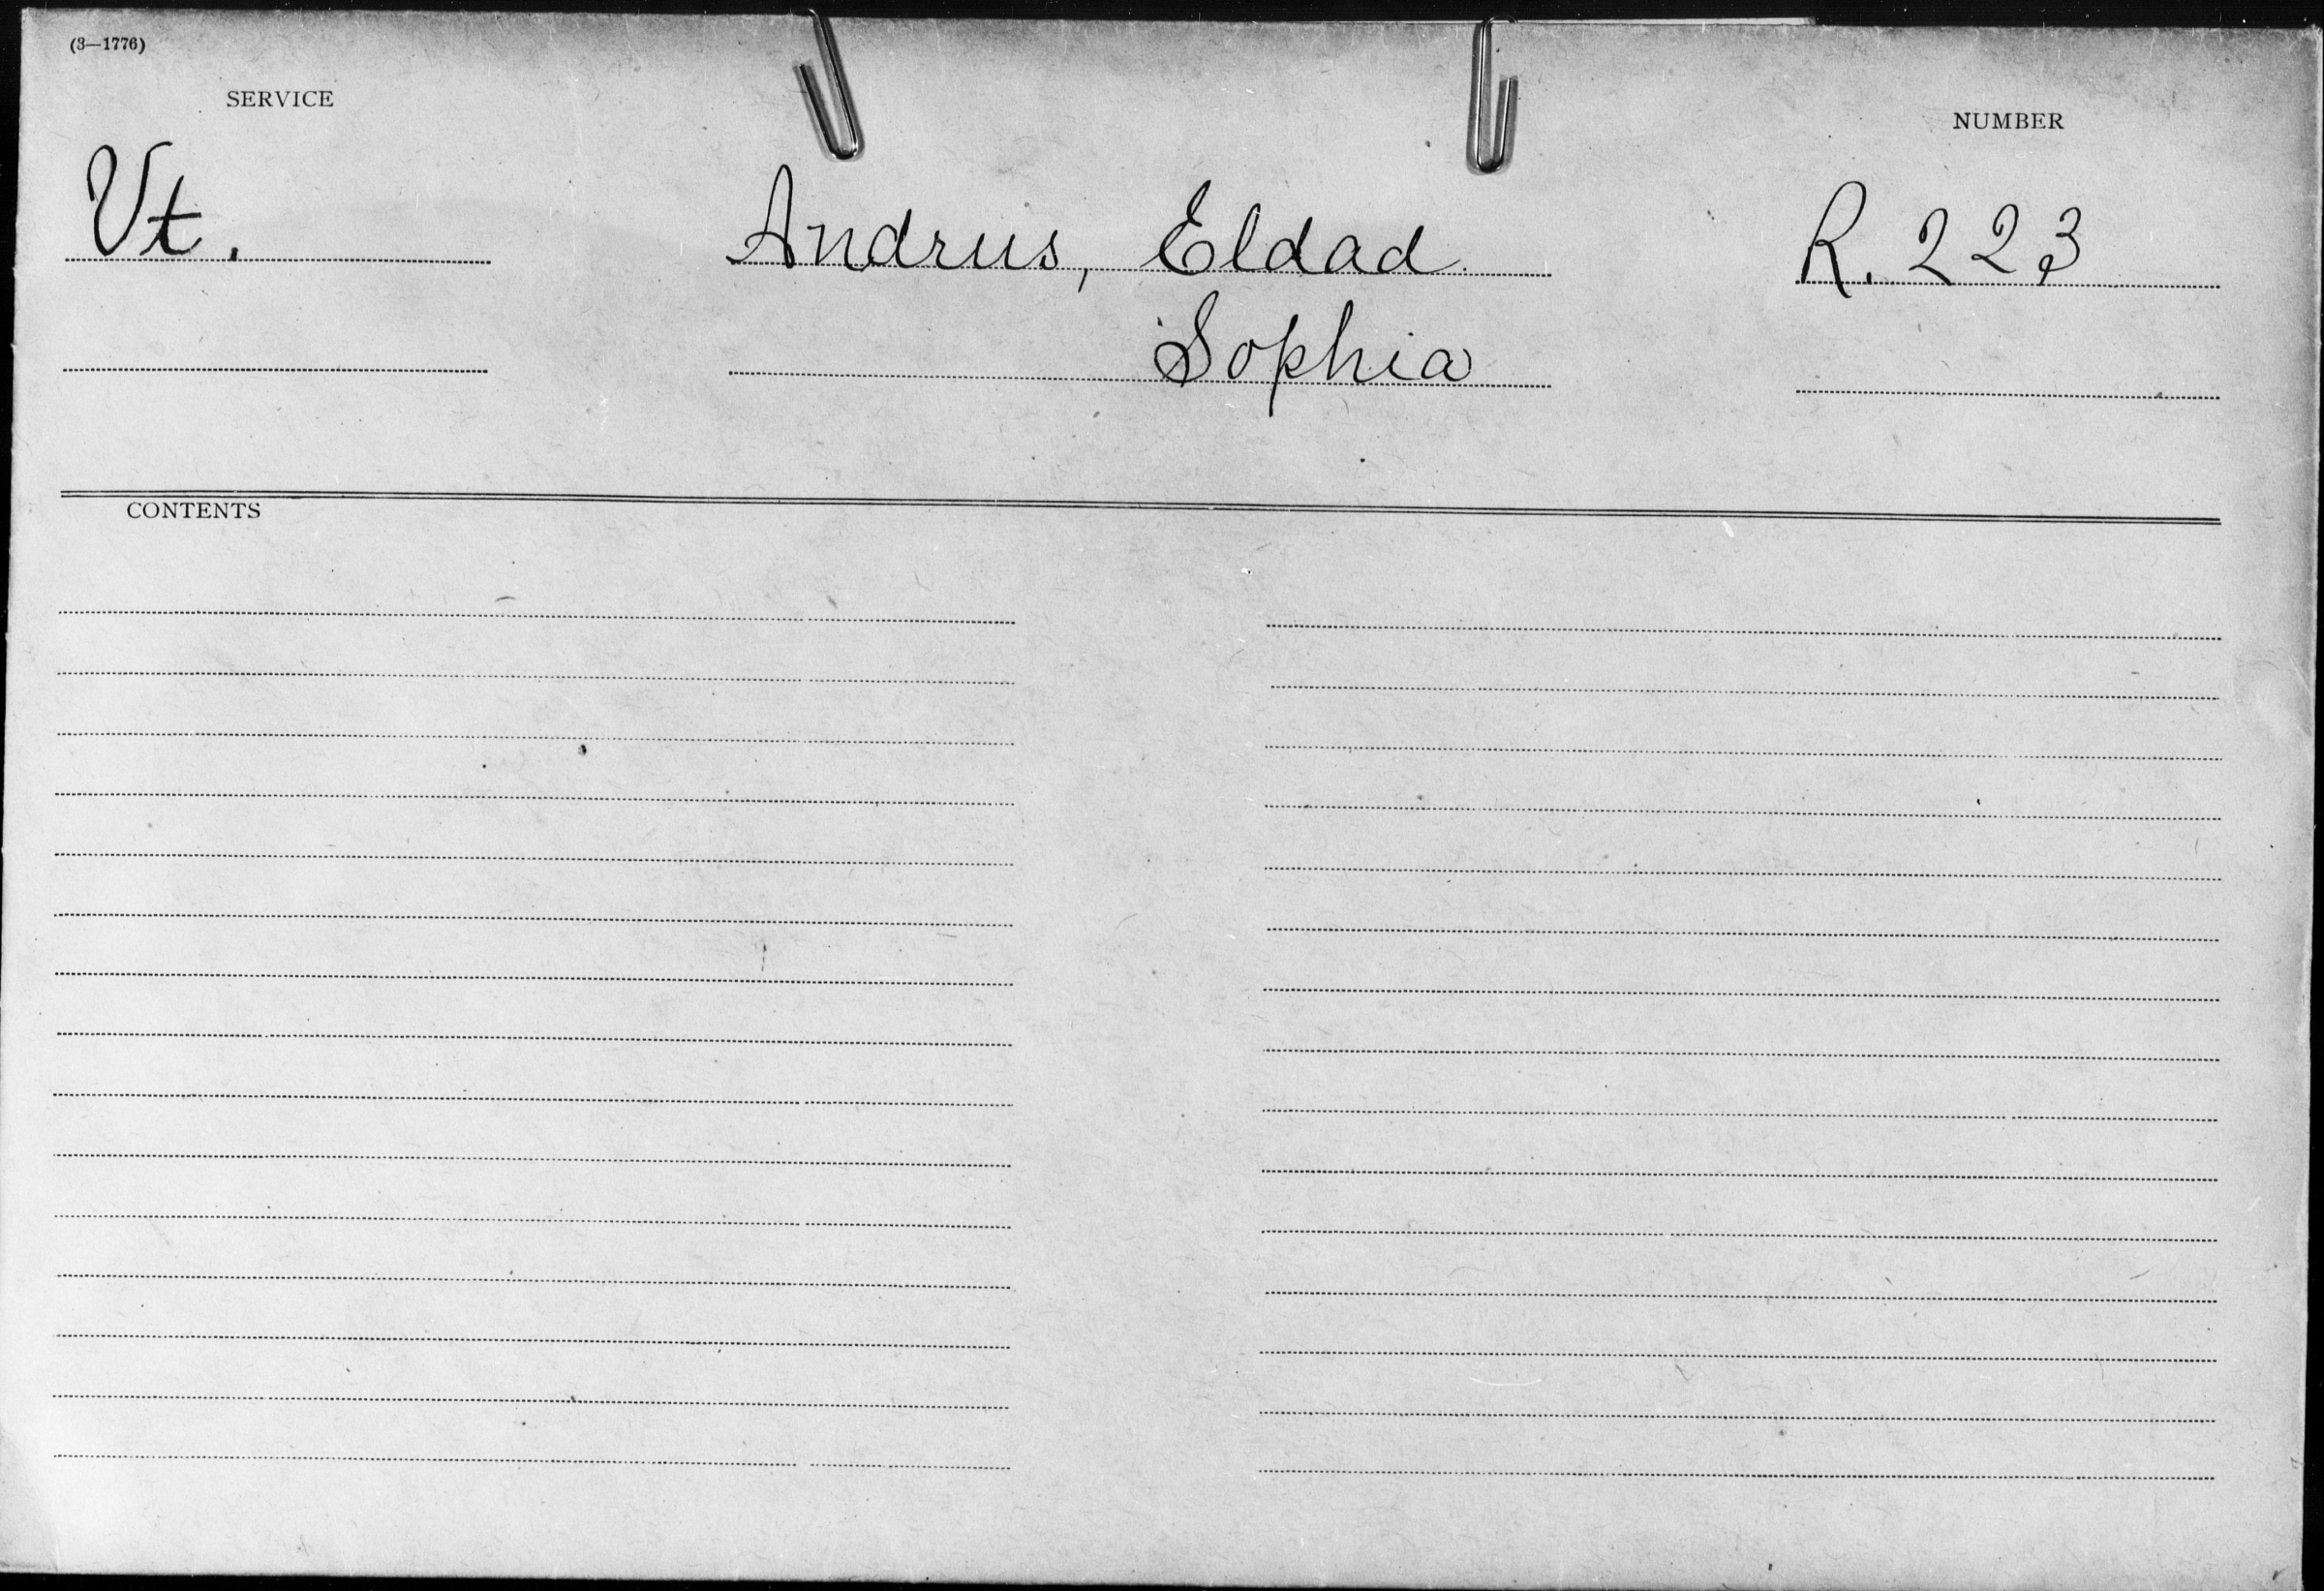(3-1776)                                                
SERVICE                                                   NUMBER

Vt.         Andrus., Eldad                            R. 223
                            Sophia
===================================
CONTENTS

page: 1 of 27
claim: rejected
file: R. 223, Eldad Andrus, Vt.